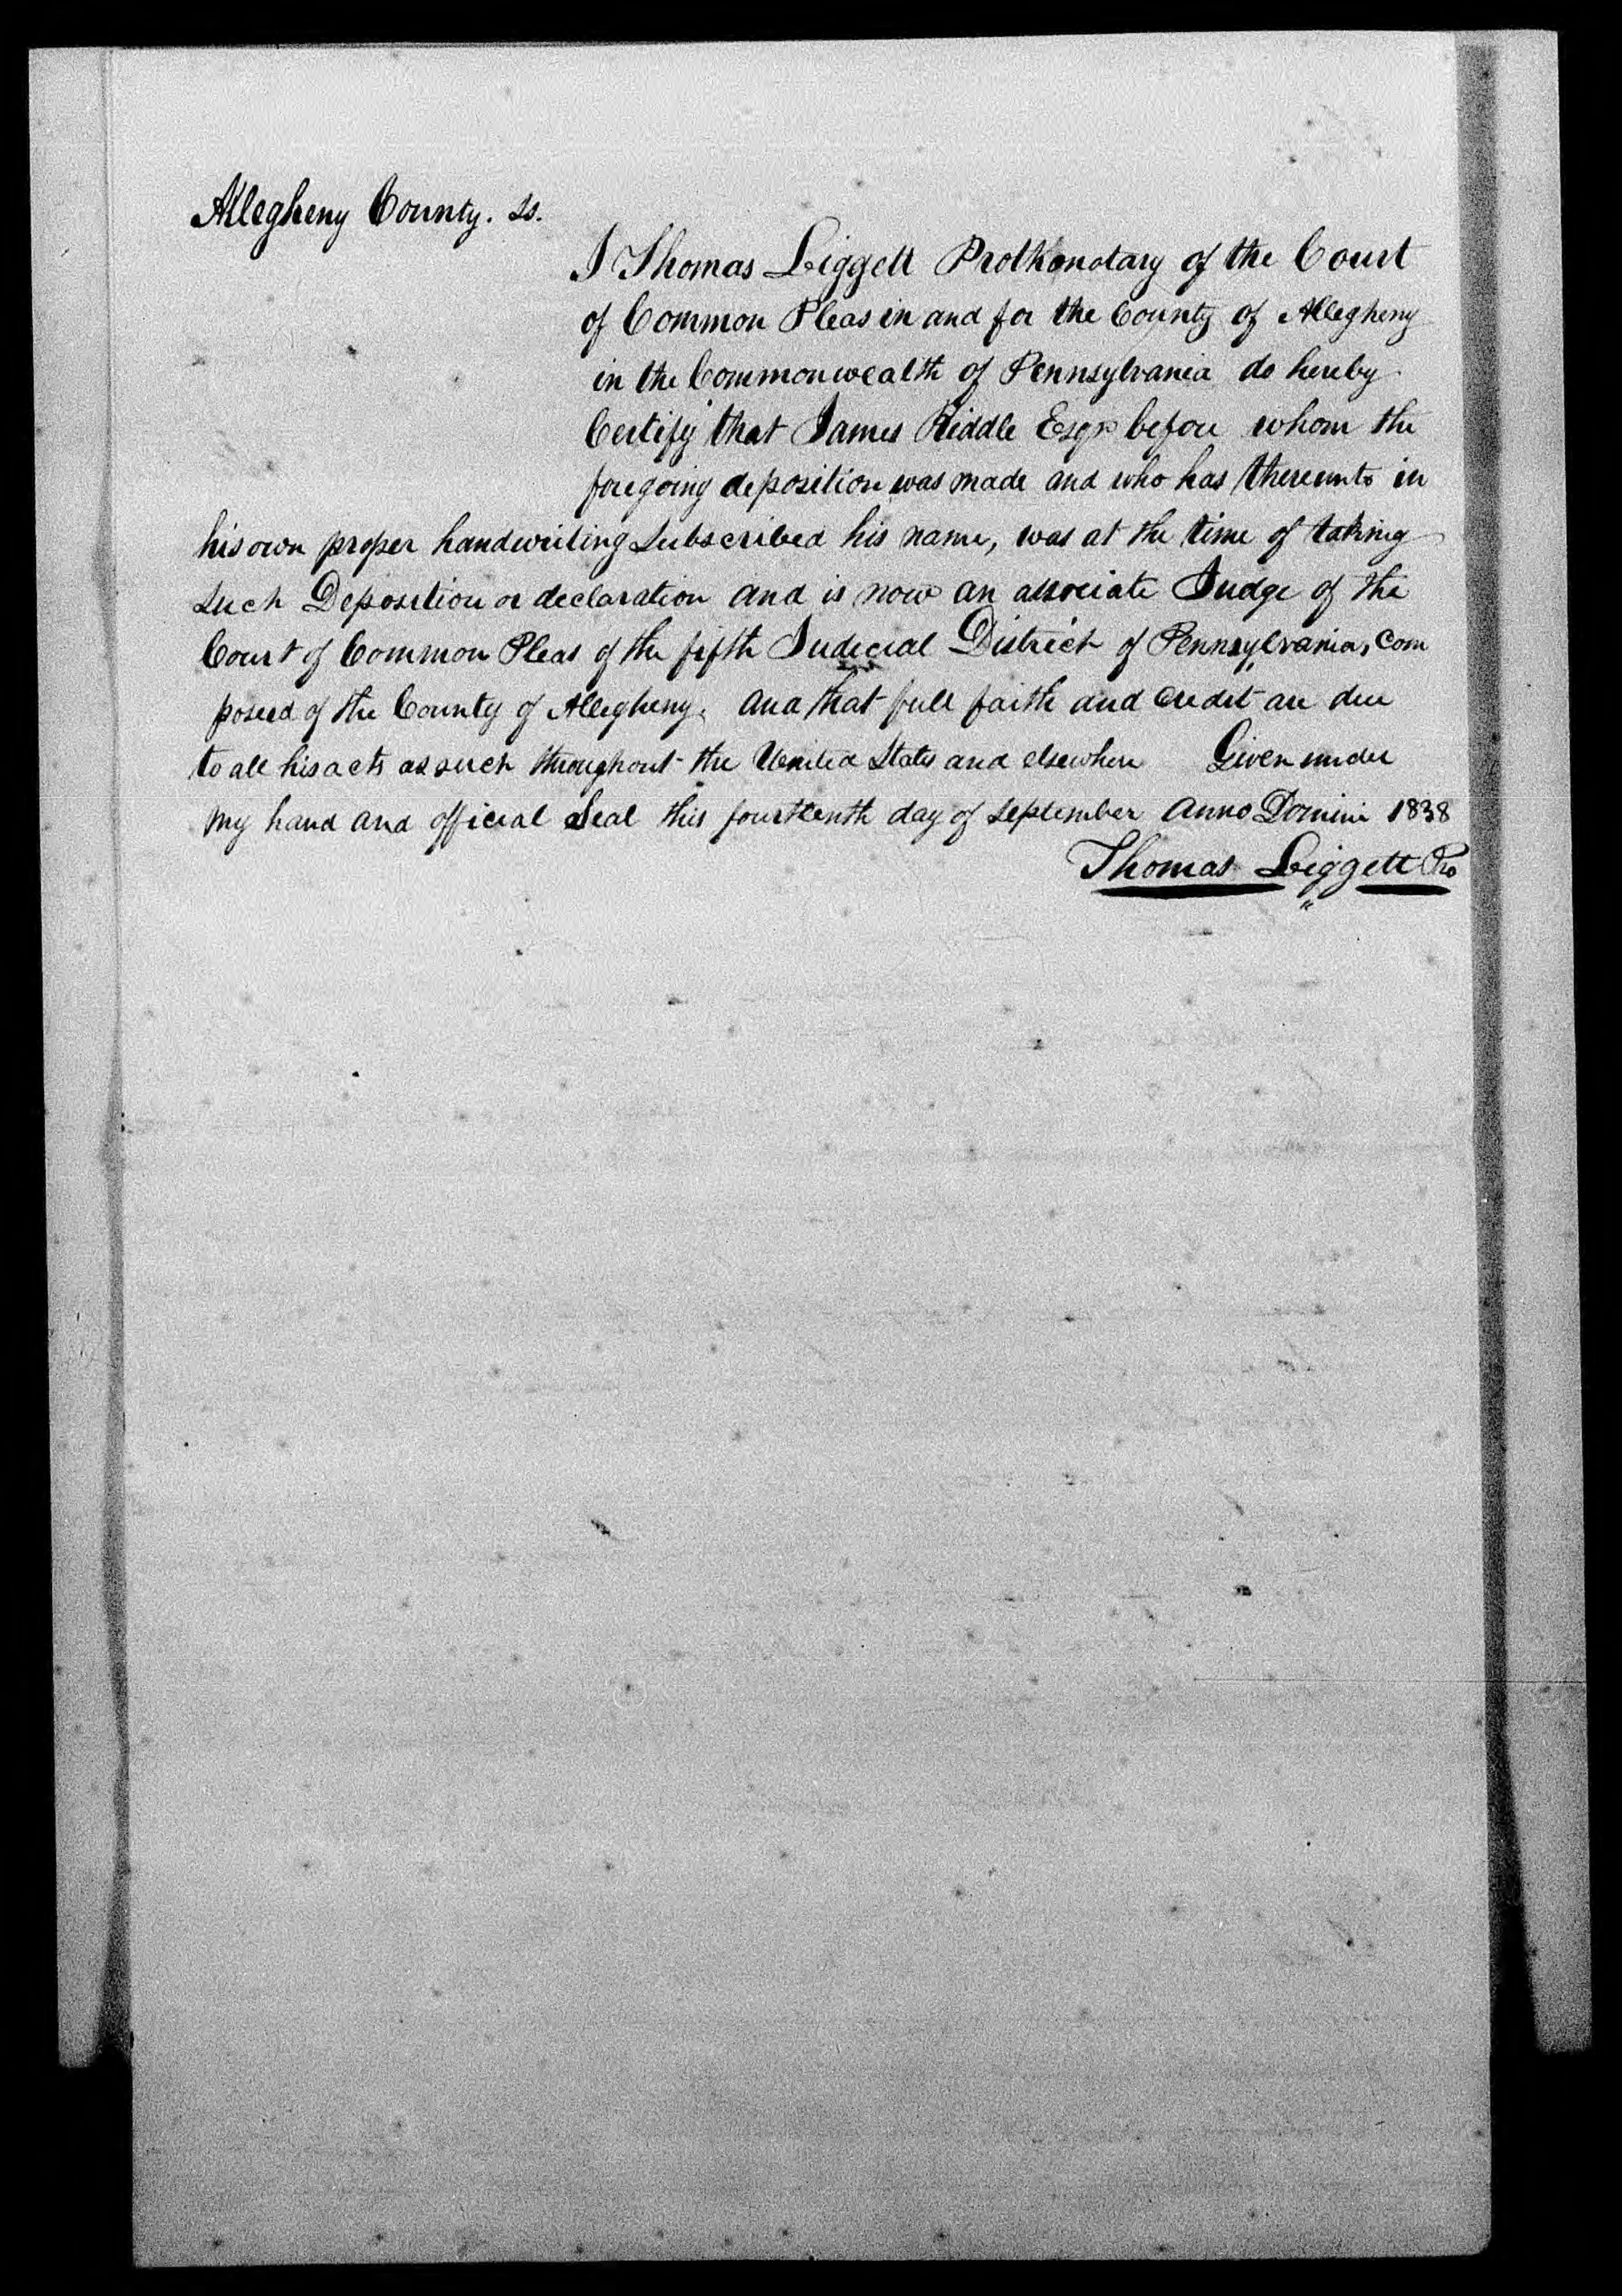Allegheny County.   ss

I Thomas Liggett Prothonotary of the Court of Common Pleas in and for the County of Allegheny in the Commonwealth of Pennsylvania do hereby Certify that James Riddle Esq before whom the foregoing deposition was made and who has thereunto in his own proper handwriting subscribed his name, was at the time of taking such Deposition or declaration and is now an associate Judge of the Court of Common Pleas of the fifth Judicial District of Pennsylvania, composed of the County of Allegheny and that full faith and credit are due to all his acts as such throughout the United States and elsewhere   Given under my hand and official Seal this fourteenth day of September Anno Domini 1838

Thomas Liggett Pro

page: 11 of 50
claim: widow's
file: W. 4253, for John Kent, Vermont